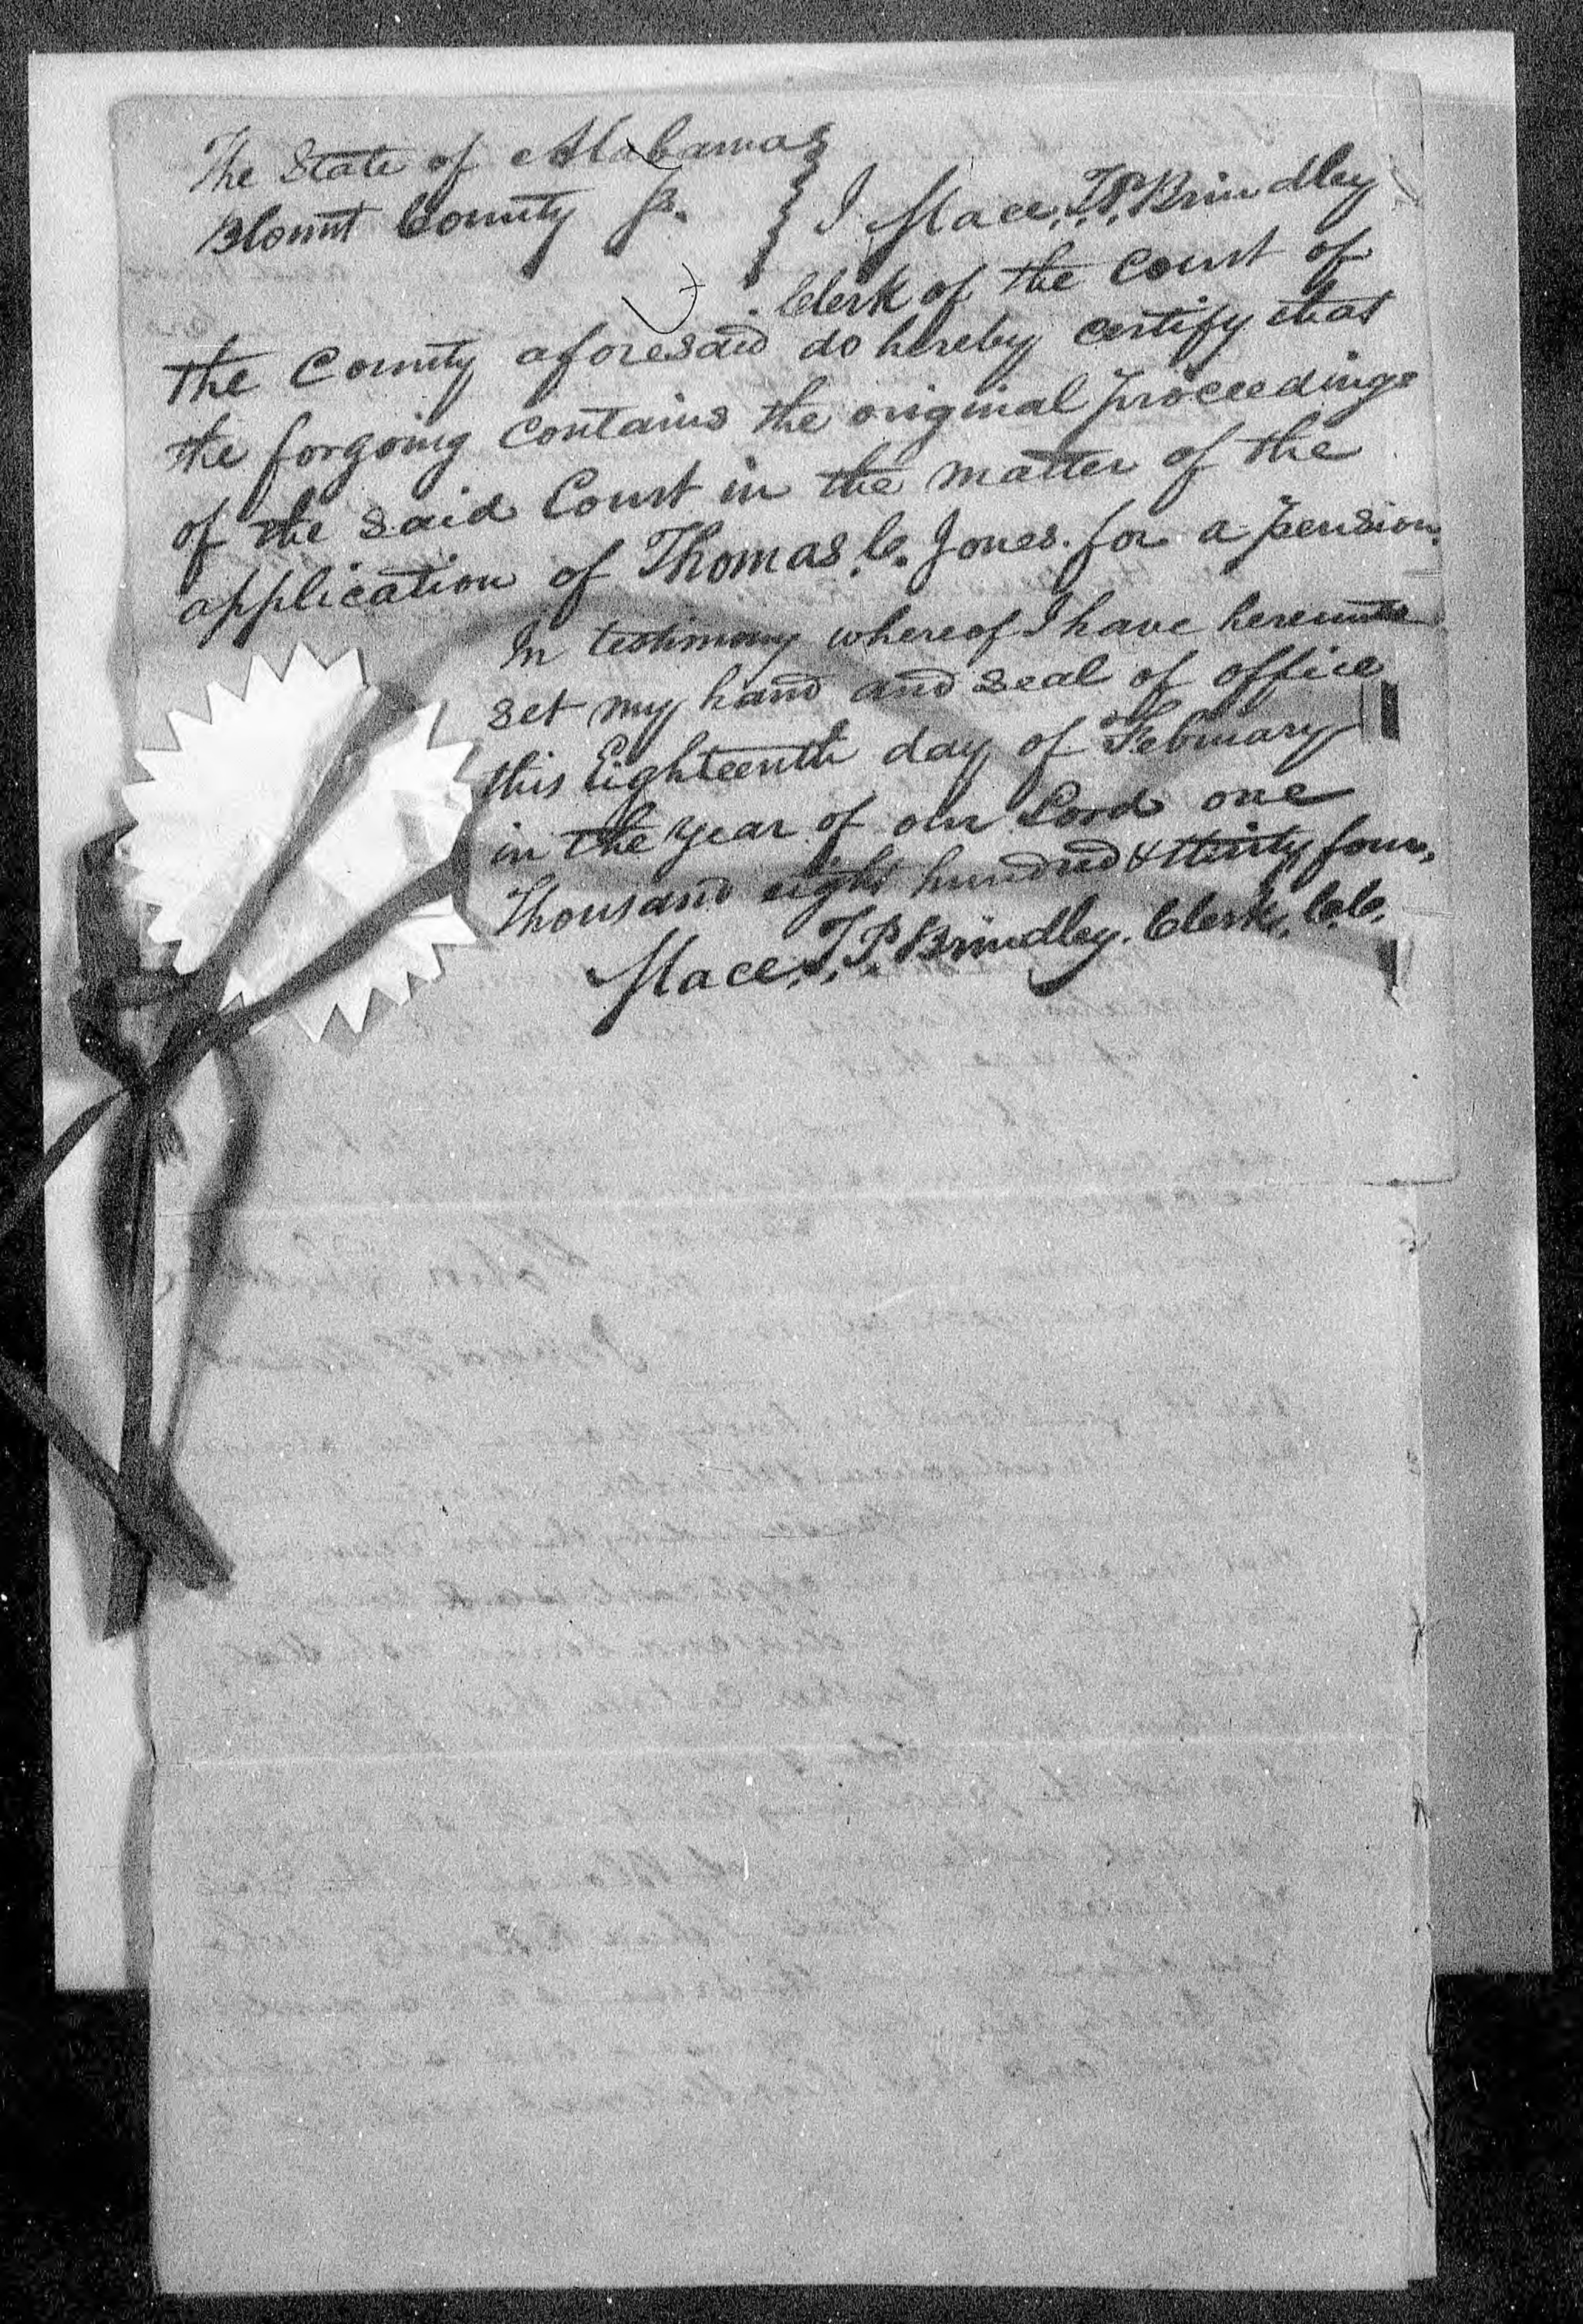The State of Alabama
Blount County Al
I Mace T. P. Brindley
Clerk of the Court of 
the county aforesaid do hereby certify that 
the forgoing contains the original proceedings
of the said Court in the matter of the 
application of Thomas C. Jones for a pension
In testimony whereof I have herewith
set my hand and seal of office
this Eighteenth day of February
in the year of our Lord one 
Thousand eight hundred thirty four
Mace T. P. Brindley, Clerk CC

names: Thomas C Jones; Mace T P Brindley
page: 12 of 45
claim: widow's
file: W. 26160, for Thomas C Jones, Georgia